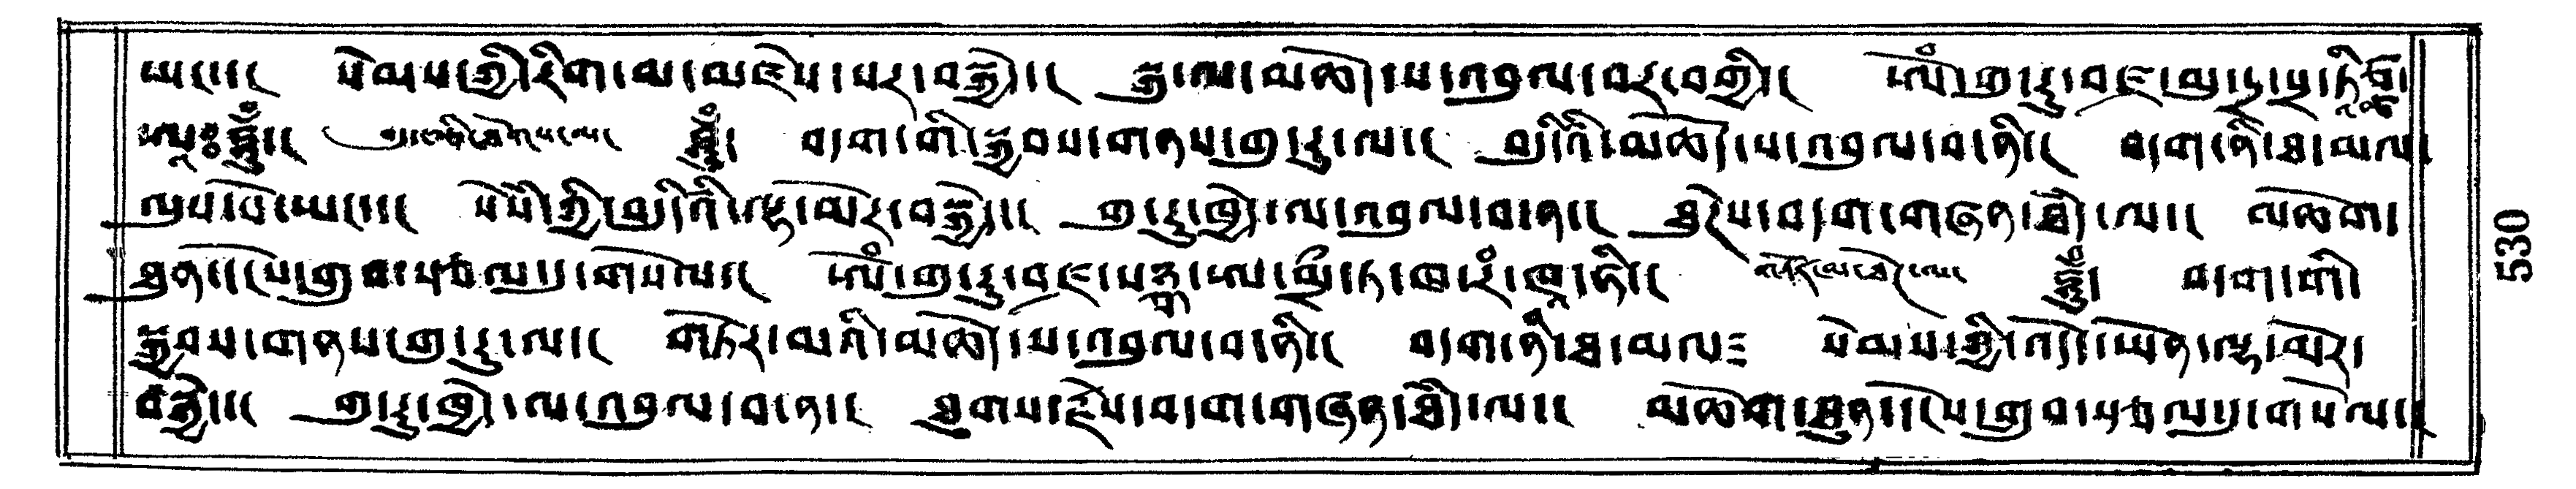ཡང་། །སེམས་ཀྱི་རིག་མ་མཛེས་པར་བསྐྱེད། །སྐུ་ལ་མཆོད་པ་འབུལ་བར་བགྱི། ཨོཾ་གུ་རུ་བཛྲ་མུ་དྲ་པྲ་ཏཱིཙྪ་
ཨཱཿཧཱུྃ། བདུད་རྩི་ཐོགས་ལ། ཧཱུྃ། བདག་གི་སྐྱབས་གནས་གུ་རུ་ལ། །བདུད་རྩིའི་མཆོད་པ་འབུལ་བ་ནི། །བདག་ནི་ཐ་མལ་
ལུས་པོ་ཡང་། །སེམས་ཀྱི་བདུད་རྩིའི་ལྷ་མོར་བསྐྱེད། །གུ་རུ་ཁྱེད་ལ་འབུལ་བ་ན། །ཐུགས་རྗེས་བདག་གཞན་ཐམས་ཅད་ལ། །མཆོག་
ཐུན་དངོས་གྲུབ་བསྩལ་དུ་གསོལ། །ཨོཾ་གུ་རུ་བཛྲ་པཉྩ་ཨ་མྲྀ་ཏ་ཁ་རཾ་ཁཱ་ཧི། གཏོར་མ་ཐོགས་ལ། ཧཱུྃ། བདག་གི་
སྐྱབས་གནས་གུ་རུ་ལ། །གཏོར་མའི་མཆོད་པ་འབུལ་བ་ནི། །བདག་ནི་ཐ་མལ༴ སེམས་ཀྱི་འདོད་ཡོན་ལྷ་མོར་
བསྐྱེད། །གུ་རུ་ཁྱེད་ལ་འབུལ་བ་ན། །ཐུགས་རྗེས་བདག་གཞན་ཐམས་ཅད་ལ། །མཆོག་ཐུན་དངོས་གྲུབ་སྩལ་དུ་གསོལ།